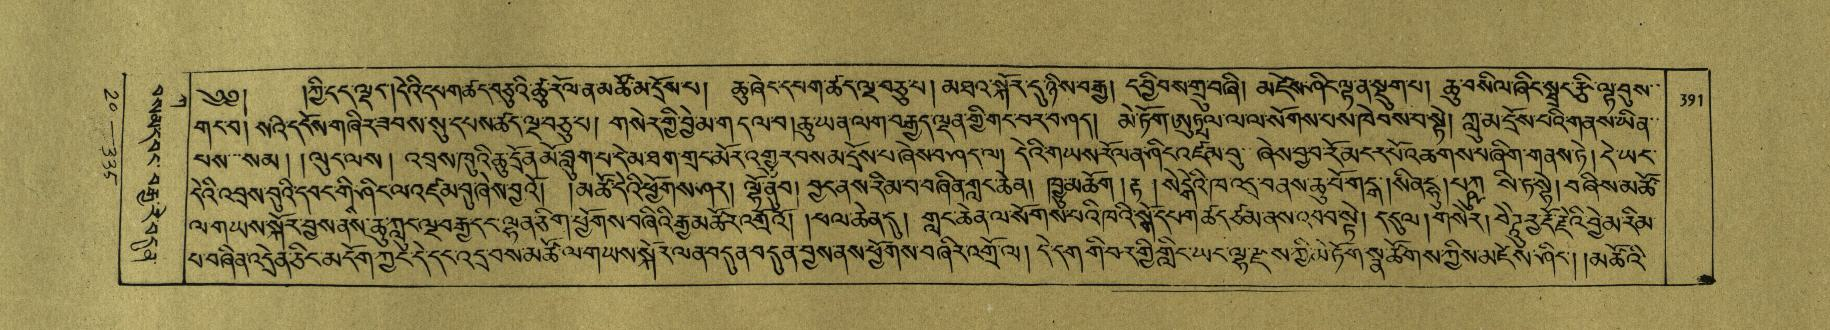༄༅། །ཀྱི་ངད་ལྡང་། དེའི་དཔག་ཚད་བཅུའི་ཚུ་རོལ་ན་མཚོ་མ་དྲོས་པ། ཆུ་ཞེང་དཔག་ཚད་ལྔ་བཅུ་པ། མཐའ་སྐོར་དུ་ཉིས་བརྒྱ། དབྱིབས་གྲུ་བཞི། མཛེས་ཤིང་ལྟ་ན་སྡུག་པ། ཆུ་བསིལ་ཞིང་སྦྲང་རྩི་ལྟ་བུས་
གང་བ། སའི་དངོས་གཞིར་ཟབས་སུ་དཔས་ཚད་ལྔ་བཅུ་པ། གསེར་གྱི་བྱེ་མ་གདལ་བ། ཆུ་ཡན་ལག་བརྒྱད་ལྡན་གྱི་གང་བར་བཤད། མེ་ཏོག་ཨུཏྤལ་ལ་ལ་སོགས་པས་ཁེབས་བ་སྟེ། ཀླུ་མ་དྲོས་པའི་གནས་ཡིན་
པས་སམ། །ལུང་ལས། འབྲས་ཁུའི་ཆུ་དྲོན་མོ་བླུག་པ་དེ་མ་ཐག་གྲང་མོར་འགྱུར་བས་མ་དྲོས་པ་ཞེས་བཤད་ལ། དེའི་གཡས་རོལ་ན་ཤིང་འཛམ་བུ་ཞེས་བྱ་བ་རོ་མངར་པོ་འཆགས་པ་ཞིག་གནས་ཏེ། དེ་ཡང་
དེའི་འབྲས་བུའི་དབང་གིས་ཤིང་ལ་འཛམ་བུ་ཞེས་བྱའོ། །མཚོ་དེའི་ཕྱོགས་ཤར། ལྷོ་ནུབ། བྱང་ནས་རིམ་པ་བཞིན་གླང་ཆེན། ཁྱུ་མཆོག། རྟ། སེངྒེའི་ཁ་འདྲ་བ་ནས་ཆུ་པོ་གངྒ། སིན་དྷུ། པཀྵུ་སི་ཏ་སྟེ། བཞིས་མཚོ་
ལ་གཡས་སྐོར་བྱས་ནས་ཆུ་ཀླུང་ལྔ་བརྒྱ་དང་ལྷན་ཅིག་ཕྱོགས་བཞིའི་རྒྱ་མཚོར་འགྲོའོ། །ཕལ་ཆེན་དུ། གླང་ཆེན་ལ་སོགས་པའི་ཁའི་སྒོ་དཔག་ཚད་ཙམ་ནས་འབབ་སྟེ། དངུལ། གསེར། བཻཌཱུརྱ་རྡོ་རྗེའི་བྱེ་མ་རིམ་
པ་བཞིན་འདྲེན་ཅིང་མདོག་ཀྱང་དེ་དང་འདྲ་བས་མཚོ་ལ་གཡས་སྐོར་ལན་བདུན་བདུན་བྱས་ནས་ཕྱོགས་བཞིར་འགྲོ་ལ། དེ་དག་གི་བར་གྱི་གླིང་ཡང་ལྷ་རྫས་ཀྱི་མེ་ཏོག་སྣ་ཚོགས་ཀྱིས་མཛེས་ཤིང་། །མཚོའི་